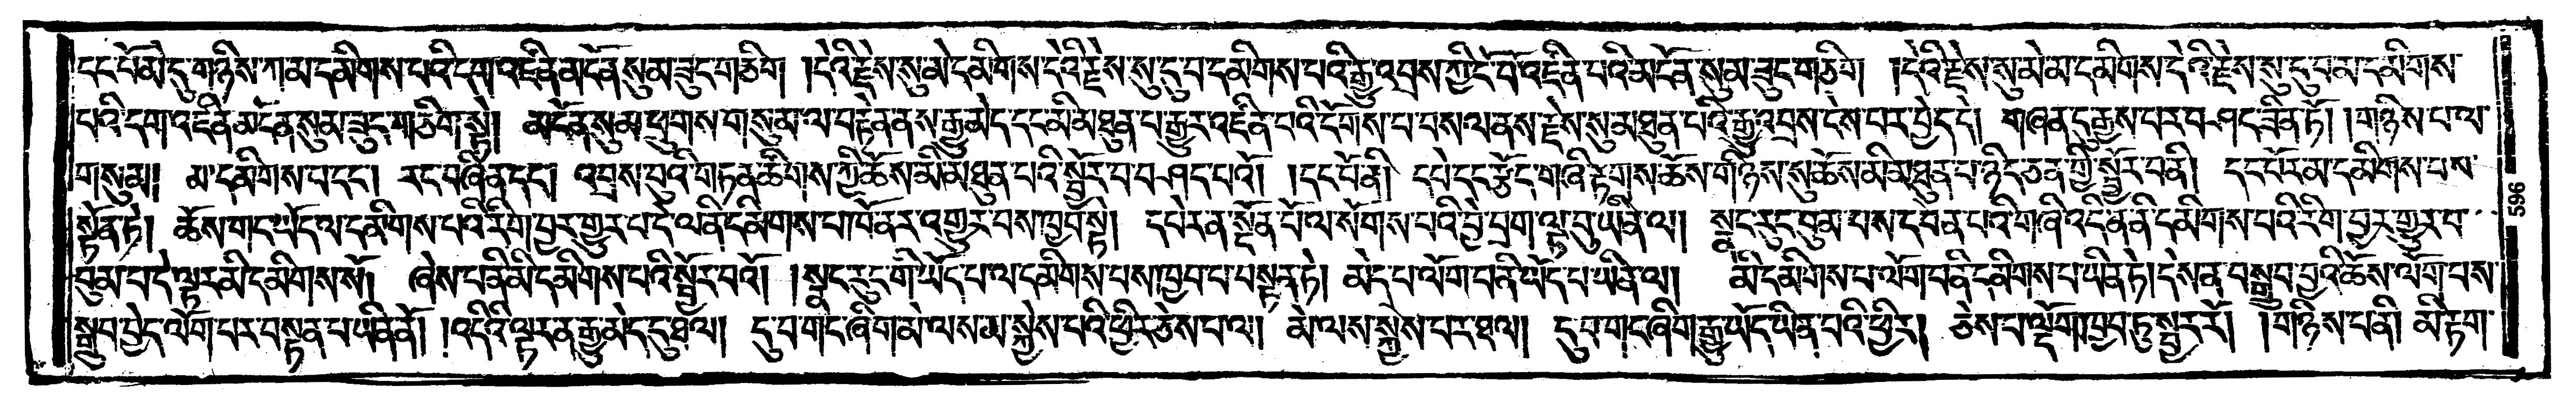དང་པོ་མེ་དུ་གཉིས་ཀ་མ་དམིགས་པའི་ངག་འཛིན་མངོན་སུམ་ཟུང་གཅིག། །དེའི་རྗེས་སུ་མེ་དམིགས་དེའི་རྗེས་སུ་དུ་བ་དམིགས་པའི་རྒྱུ་འབྲས་ཀྱི་ངོ་བོའི་འཛིན་པའི་མངོན་སུམ་ཟུང་གཅིག །དེའི་རྗེས་སུ་མེ་མ་དམིགས་དེའི་རྗེས་སུ་དུ་བ་མ་དམིགས་
པའི་དག་འཛིན་མངོན་སུམ་ཟུང་གཅིག་སྟེ། མངོན་སུམ་ཕྲུགས་གསུམ་ལ་བརྟེན་ནས་རྒྱུ་མེད་དང་མི་མཐུན་པ་རྒྱུར་འཛིན་པའི་དོགས་པ་བསལ་ནས་རྗེས་སུ་མཐུན་པའི་རྒྱུ་འབྲས་ངེས་པར་བྱེད་དེ། གཞན་དུ་རྒྱས་པར་བཤད་ཟིན་ཏོ། །གཉིས་པ་ལ་
གསུམ། མ་དམིགས་པ་དང་། རང་བཞིན་དང་། འབྲས་བུའི་གཏན་ཚིགས་ཀྱི་ཆོས་མི་མཐུན་པའི་སྦྱོར་བ་བཤད་པའོ། །དང་པོ་ནི། དཔེ་དང་རྩོད་གཞི་རྟགས་ཆོས་གཉིས་སུ་ཆོས་མི་མཐུན་པ་ཉིད་ཅན་གྱི་སྦྱོར་བ་ནི། དང་པོར་མ་དམིགས་པས་
སྟོན་ཏེ། ཆོས་གང་ཡོད་ལ་དམིགས་པའི་རིག་བྱར་གྱུར་པ་དེ་ལ་ནི་དམིགས་པ་ཁོ་ནར་འགྱུར་བས་ཁྱབ་སྟེ། དཔེར་ན་སྔོན་པོ་ལ་སོགས་པའི་བྱེ་བྲག་ལྟ་བུ་ཡིན་ལ། སྣང་རུང་བུམ་པས་དབེན་པའི་གཞི་འདི་ན་ནི་དམིགས་པའི་རིག་བྱར་གྱུར་པ་
བུམ་པ་དེ་ལྟར་མི་དམིགས་སོ། ཞེས་པ་ནི་མི་དམིགས་པའི་སྦྱོར་བའོ། །སྣང་རུང་གི་ཡོད་པ་ལ་དམིགས་པས་ཁྱབ་པ་བསྟན་ཏེ། མེད་པ་ལོག་པ་ནི་ཡོད་པ་ཡིན་ལ། མི་དམིགས་པ་ལོག་པ་ནི་དམིགས་པ་ཡིན་ཏེ། དེས་ན་བསྒྲུབ་བྱའི་ཆོས་ལོག་པས་
སྒྲུབ་བྱེད་ལོག་པར་བསྟན་པ་ཡིན་ནོ། །འདིའི་ལྟར་ན་རྒྱུ་མེད་དུ་ཐལ། དུ་བ་གང་ཞིག་མེ་ལས་མ་སྐྱེས་པའི་ཕྱིར་ཅེས་པ་ལ། མེ་ལས་སྐྱེས་པར་ཐལ། དུ་བ་གང་ཞིག་རྒྱུ་ཡོད་ཡིན་པའི་ཕྱིར། ཅེས་པ་ལྡོག་ཁྱབ་ཏུ་སྦྱར་རོ། །གཉིས་པ་ནི། མི་རྟག་